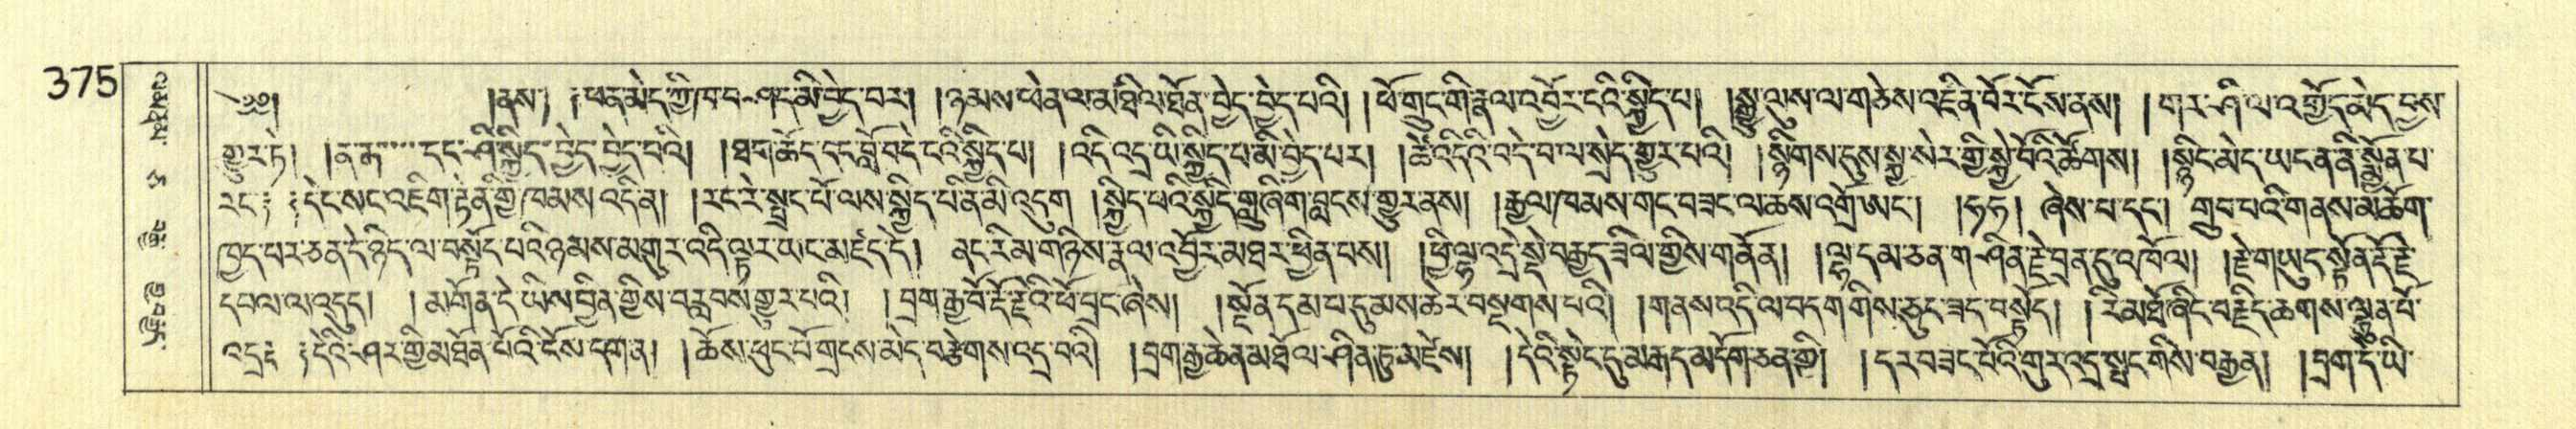༄༅། །ནས༑ ༑ཕན་མེད་ཀྱི་ཁ་བཤད་མི་བྱེད་པར། །ཉམས་ཕེན་ལ་མཐིལ་ཐོན་བྱེད་བྱེད་པའི། །ཕོ་གྲུང་གི་རྣལ་འབྱོར་ངའི་སྐྱིད་པ། །སྒྱུ་ལུས་ལ་གཅེས་འཛིན་བོར་ངོས་ནས། །གར་ཤི་ལ་འགྱོད་མེད་བྱས་
གྱུར་ཏེ། །ན་རྒ་དང་ཤི་སྐྱིད་བྱེད་བྱེད་པའི། །ཐག་ཆོད་དང་བློ་བདེ་ངའི་སྐྱིད་པ། །འདི་འདྲ་ཡི་སྐྱིད་པ་མི་བྱེད་པར། །ཚེ་འདིའི་བདེ་བ་ལ་སྲེད་གྱུར་པའི། །སྙིགས་དུས་སྐྱ་སེར་གྱི་སྐྱེ་བོའི་ཚོགས། །སྙིང་མེད་ཡང་ན་ནི་སྨྱོན་པ་
རང༑ ༑དེང་སང་འཇིག་རྟེན་གྱི་ཁམས་འདི་ན། །རང་རེ་སྤྲང་པོ་ལས་སྐྱིད་པ་ནི་མི་འདུག །སྐྱིད་པའི་སྐྱིད་གླུ་ཞིག་བླངས་གྱུར་ནས། །རྒྱལ་ཁམས་གང་བཟང་ལ་ཆས་འགྲོ་ཨང་། །ཧཧ། ཞེས་པ་དང་། གྲུབ་པའི་གནས་མཆོག་
ཁྱད་པར་ཅན་དེ་ཉིད་ལ་བསྟོད་པའི་ཉམས་མགུར་འདི་ལྟར་ཡང་མཛད་དེ། ནང་རིམ་གཉིས་རྣལ་འབྱོར་མཐར་ཕྱིན་པས། །ཕྱི་ལྷ་འདྲེ་སྡེ་བརྒྱད་ཟིལ་གྱིས་གནོན། །ལྷ་དམ་ཅན་གཤིན་རྗེ་བྲན་དུ་འཁོལ། །རྗེ་གཡུང་སྟོན་རྡོ་རྗེ་
དཔལ་ལ་འདུད། །མགོན་དེ་ཡིས་བྱིན་གྱིས་བརླབས་གྱུར་པའི། །བྲག་རྒྱ་བོ་རྡོ་རྗེའི་ཕོ་བྲང་ཞེས། །སྔོན་དམ་པ་དུ་མས་ཆེར་བསྔགས་པའི། །གནས་འདི་ལ་བདག་གིས་ཅུང་ཟད་བསྟོད། །རི་མཐོ་ཞིང་བརྗིད་ཆགས་ལྷུན་པོ་
འདྲ༑ ༑དེའི་ཤར་གྱི་མཐོན་པོའི་ངོས་དག་ན། །ཆོས་ཕུང་པོ་གྲངས་མེད་བརྩེགས་འདྲ་བའི། །བྲག་རྒྱ་ཆེན་མཐོལ་ཤིན་ཏུ་མཛེས། །དེའི་སྟེང་དུ་མྲྒད་མདོག་ཅན་གྱི། །དར་བཟང་པོའི་གུར་འདྲ་སྤང་གིས་བརྒྱན། །བྲག་དེ་ཡི་